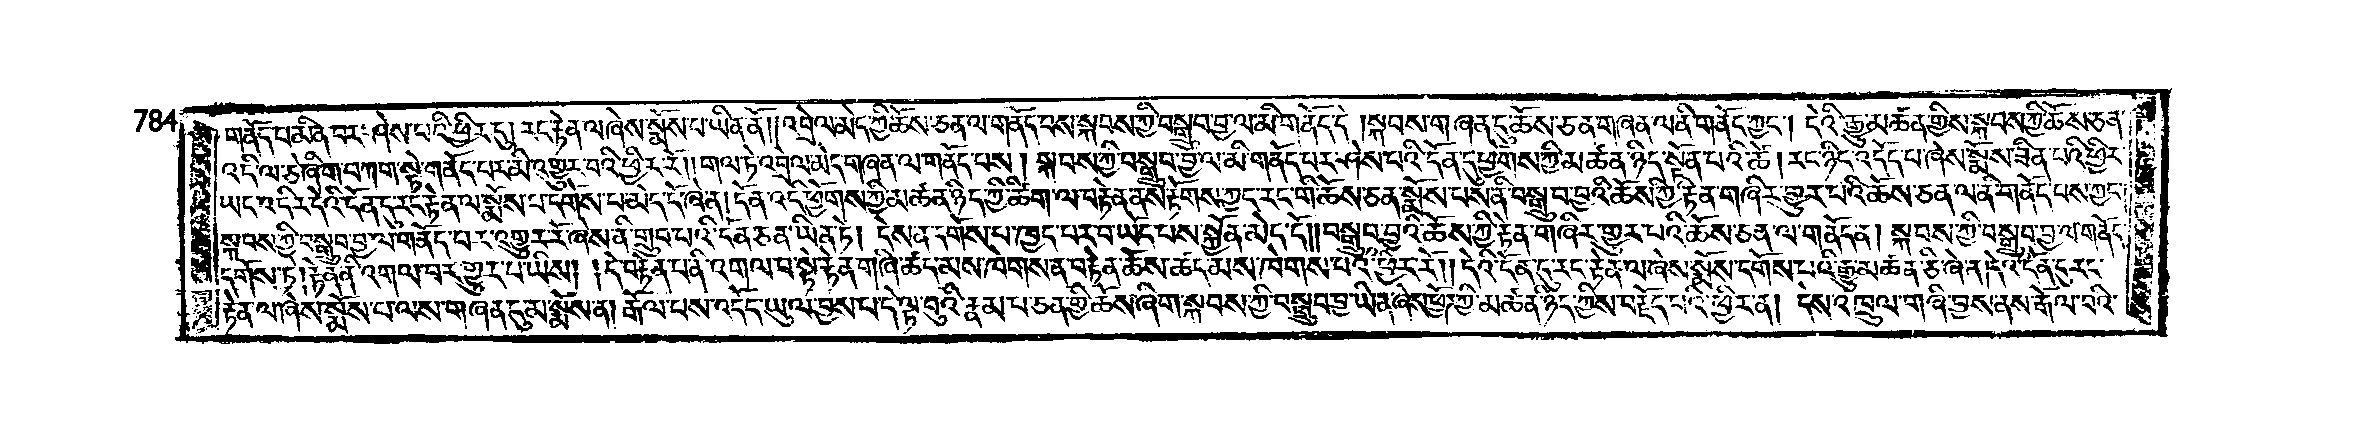གནོད་པར་མིན་པར་ཤེས་པའི་ཕྱིར་དུ། རང་རྟེན་ལ་ཞེས་སྨོས་པ་ཡིན་ནོ། །འབྲེལ་མེད་ཀྱི་ཆོས་ཅན་ལ་གནོད་པས་སྐབས་ཀྱི་བསྒྲུབ་བྱ་ལ་མི་གནོད་དེ། སྐབས་གཞན་དུ་ཆོས་ཅན་གཞན་ལ་ནི་གནོད་ཀྱང་། དེའི་རྒྱུ་མཚན་གྱིས་སྐབས་ཀྱི་ཆོས་ཅན་
འདི་ལ་ཅི་ཞིག་བཀག་སྟེ་གནོད་པར་མི་འགྱུར་བའི་ཕྱིར་རོ། །གལ་ཏེ་འབྲེལ་མེད་གཞན་ལ་གནོད་པས། སྐབས་ཀྱི་བསྒྲུབ་བྱ་ལ་མི་གནོད་པར་ཤེས་པའི་དོན་དུ་ཕྱོགས་ཀྱི་མཚན་ཉིད་སྟོན་པའི་ཚེ། རང་ཉིད་འདོད་པ་ཞེས་སྨོས་ཟིན་པའི་ཕྱིར་
ཡང་འདིར་དེའི་དོན་དུ་རང་རྟེན་ལ་སྨོས་པ་དགོས་པ་མེད་དོ་ཞེ་ན། དོན་འདི་ཕྱོགས་ཀྱི་མཚན་ཉིད་ཀྱི་ཚིག་ལ་བརྟེན་ནས་རྟོགས་ཀྱང་རང་གི་ཆོས་ཅན་སྨོས་པས་ནི་བསྒྲུབ་བྱའི་ཆོས་ཀྱི་རྟེན་གཞིར་གྱུར་པའི་ཆོས་ཅན་ལ་ནི་གནོད་པས་ཀྱང་།
སྐབས་ཀྱི་བསྒྲུབ་བྱ་ལ་གནོད་པར་འགྱུར་རོ་ཞེས་ནི་གྲུབ་པའི་དོན་ཅན་ཡིན་ཏེ། དེས་ན་དགོས་པ་ཁྱད་པར་བ་ཡོད་པས་སྐྱོན་མེད་དོ། །བསྒྲུབ་བྱའི་ཆོས་ཀྱི་རྟེན་གཞེར་གྱུར་པའི་ཆོས་ཅན་ལ་གནོད་ན། སྐབས་ཀྱི་བསྒྲུབ་བྱ་ལ་གནོད་
དགོས་ཏེ། རྟེན་ནི་འགལ་བར་གྱུར་པ་ཡིས། དེ་བརྟེན་པ་ནི་འགལ་བ་སྟེ་རྟེན་གཞི་ཚད་མས་ཁེགས་ནས་བརྟེན་ཆོས་ཆད་མས་ཁེགས་པའི་ཕྱིར་རོ། །དེའི་དོན་དུ་རང་རྟེན་ལ་ཞེས་སྨོས་དགོས་པའི་རྒྱུ་མཚན་ཅི་ཞེ་ན། དེའི་དོན་དུ་རང་
རྟེན་ལ་ཞེས་སྨོས་པ་ལས་གཞན་དུ་མ་སྨོས་ན། རྒོལ་པས་འདོད་ཡུལ་བྱས་པ་དེ་ལྟ་བུའི་རྣམ་པ་ཅན་གྱི་ཆོས་ཞིག་སྐབས་ཀྱི་བསྒྲུབ་བྱ་ཡིན་ཞེས་ཕྱོགས་ཀྱི་མཚན་ཉིད་ཀྱིས་བརྗོད་པའི་ཕྱིར་ན། དེས་འཁྲུལ་གཞི་བྱས་ནས་རྒོལ་བའི་